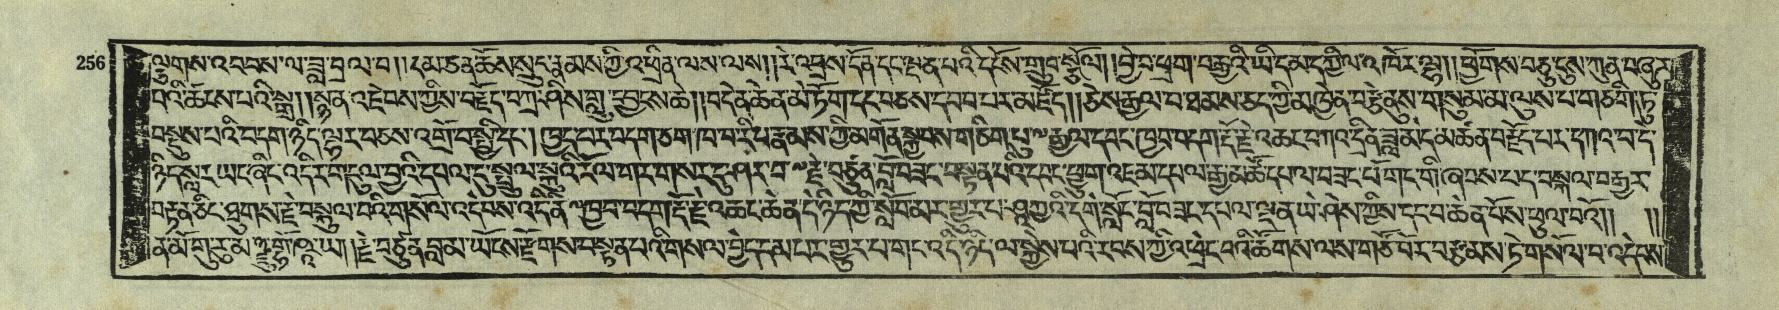ལྕགས་འབབས་ལ་ཟླ་བྲལ་བ། །དམ་ཅན་ཆོས་སྲུང་རྣམས་ཀྱི་འཕྲིན་ལས་ལས། །རེ་འབྲས་དོན་དང་ལྡན་པའི་དངོས་གྲུབ་སྩོལ། །བྱེ་བ་ཕྲག་བརྒྱའི་ཡི་དམ་དཀྱིལ་འཁོར་ལྷ། །ཕྱོགས་བཅུ་དུས་ཀུན་བཞུཌ་
པའི་ཚངས་པའི་སྒྲ། །སྙན་འཇེབས་ཀྱིས་བརྗོད་བཀྲ་ཤིས་གླུ་དབྱངས་ཆེ། །བདེན་ཆེན་མེ་ཏོག་དང་བཅས་དབབ་པར་མཛོད། །ཅེས་རྒྱལ་བ་ཐམས་ཅད་ཀྱི་མཁྱེན་བརྩེ་ནུས་གསུམ་མ་ལུས་པ་གཅིག་ཏུ་
བསྡུས་པའི་བདག་ཉིད་ལྷར་བཅས་འགྲོ་བ་སྤྱི་དང་། ཁྱད་པར་བདག་ཅག་ཁ་པ་རི་པ་རྣམས་ཀྱི་མགོན་སྐྱབས་གཅིག་པུ ༧རྒྱལ་དབང་ཁྱབ་བདག་རྡོ་རྗེ་འཆང་བཀའ་དྲིན་ཟླ་མེད་མཚན་བརྗོད་པར་དཀའ་བ་དེ་
ཉིད་སླར་ཡང་ཞིང་འདིར་གདུལ་བྱའི་དཔལ་དུ་སྤྲུལ་སྐུའི་རོལ་གར་གསར་དུ་ཤར་བ ༧རྗེ་བཙུན་བློ་བཟང་བསྟན་པའི་དབང་ཕྱུག་འཇམ་དཔལ་རྒྱ་མཚོ་དཔལ་བཟང་པོ་གང་གི་ཞབས་པད་བསྐལ་བརྒྱར་
བརྟན་ཅིང་ཐུགས་རྗེ་བསྐུལ་བའི་གསོལ་འདེབས་འདི་ནི ༧ཁྱབ་བདག་རྡོ་རྗེ་འཆང་ཆེན་དེ་ཉིད་ཀྱི་སློབ་མར་གྱུར་པ་ཤཱཀྱའི་དགེ་སློང་བློ་བཟང་དཔལ་ལྡན་ཡེ་ཤེས་ཀྱིས་དང་བ་ཆེན་པོས་ཕུལ་བའོ།། །།
ན་མོ་གུ་རུ་མ་ཉྫུ་གྷོ་ཥཱ་ཡ། །རྗེ་བཙུན་བླ་མ་ཡོངས་རྫོགས་བསྟན་པའི་གསལ་བྱེད་དམ་པར་གྱུར་པ་གང་འདི་ཉིད་ལ་སྐྱེས་པའི་རབས་ཀྱི་འཕྲེང་བའི་ཚོགས་ལས་གཙོ་བོར་བརྩམས་ཏེ་གསོལ་བ་འདེབས་